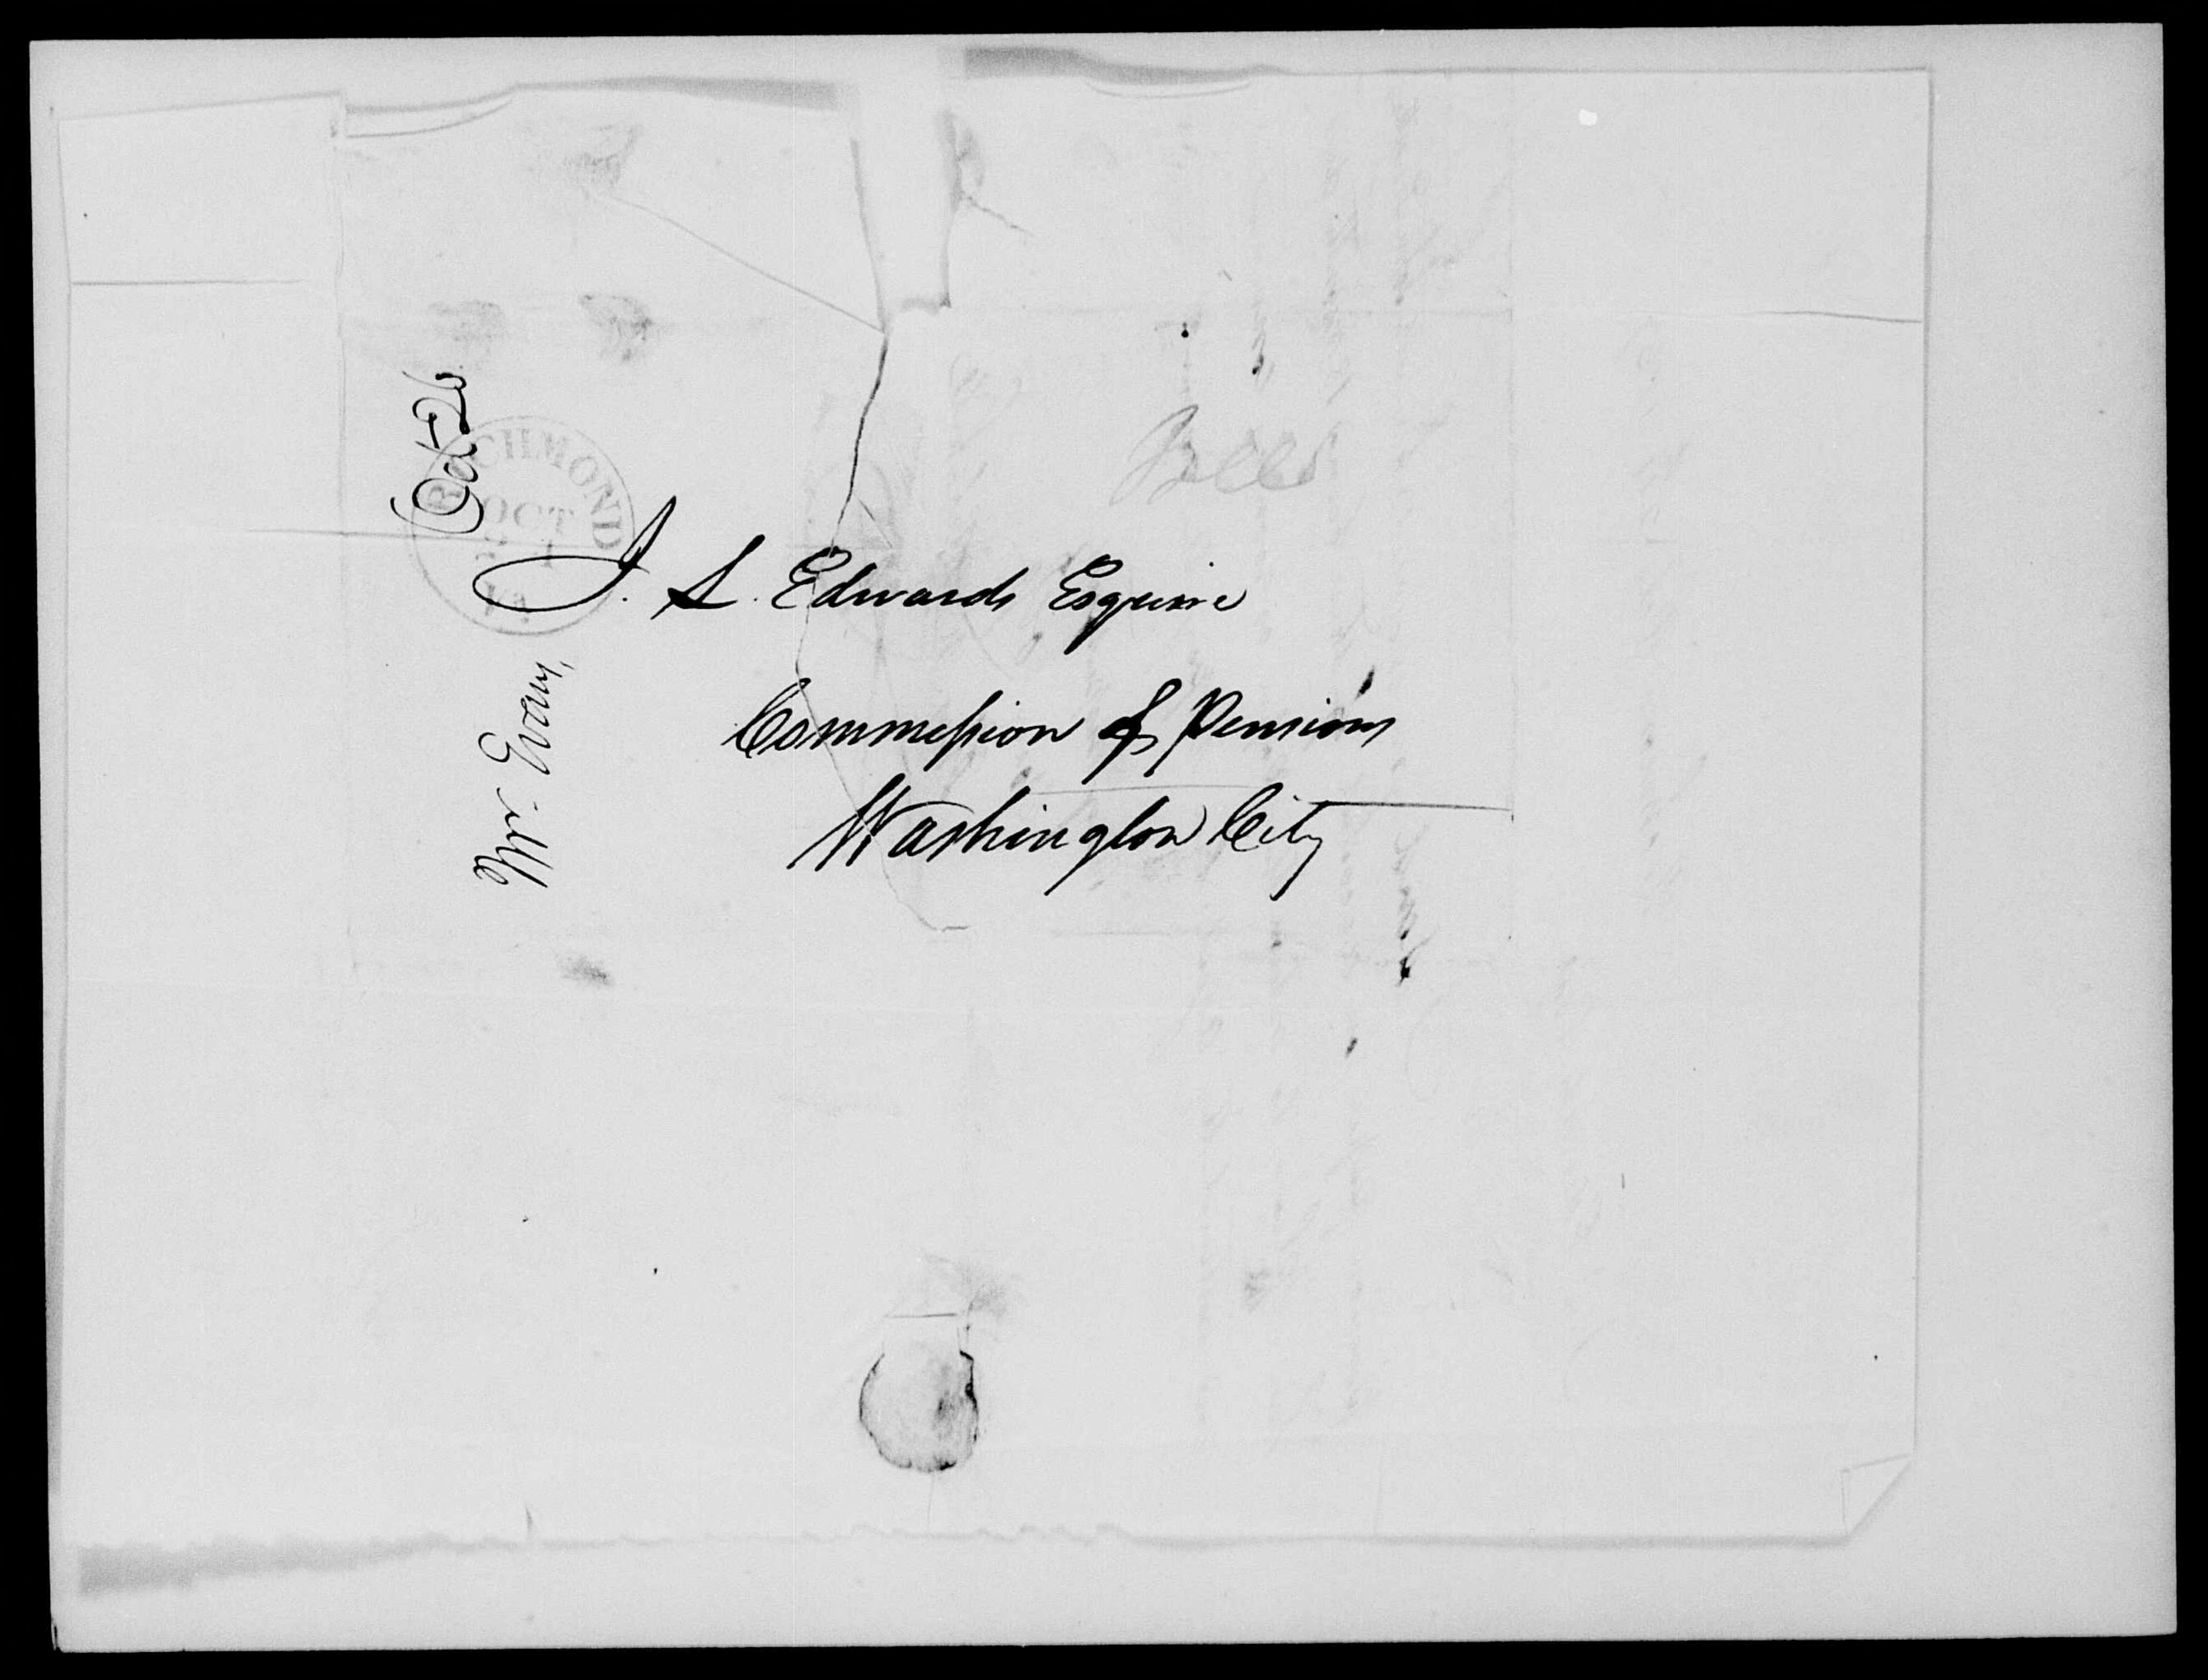J. L. Edwards Esquire
Commissioner of Pensions
Washington City

Oct 26.
Mr. Evans,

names: J L Edwards; [BLANK] Evans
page: 28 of 35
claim: survivor's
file: S. 30,665, for John Prewett, Virginia